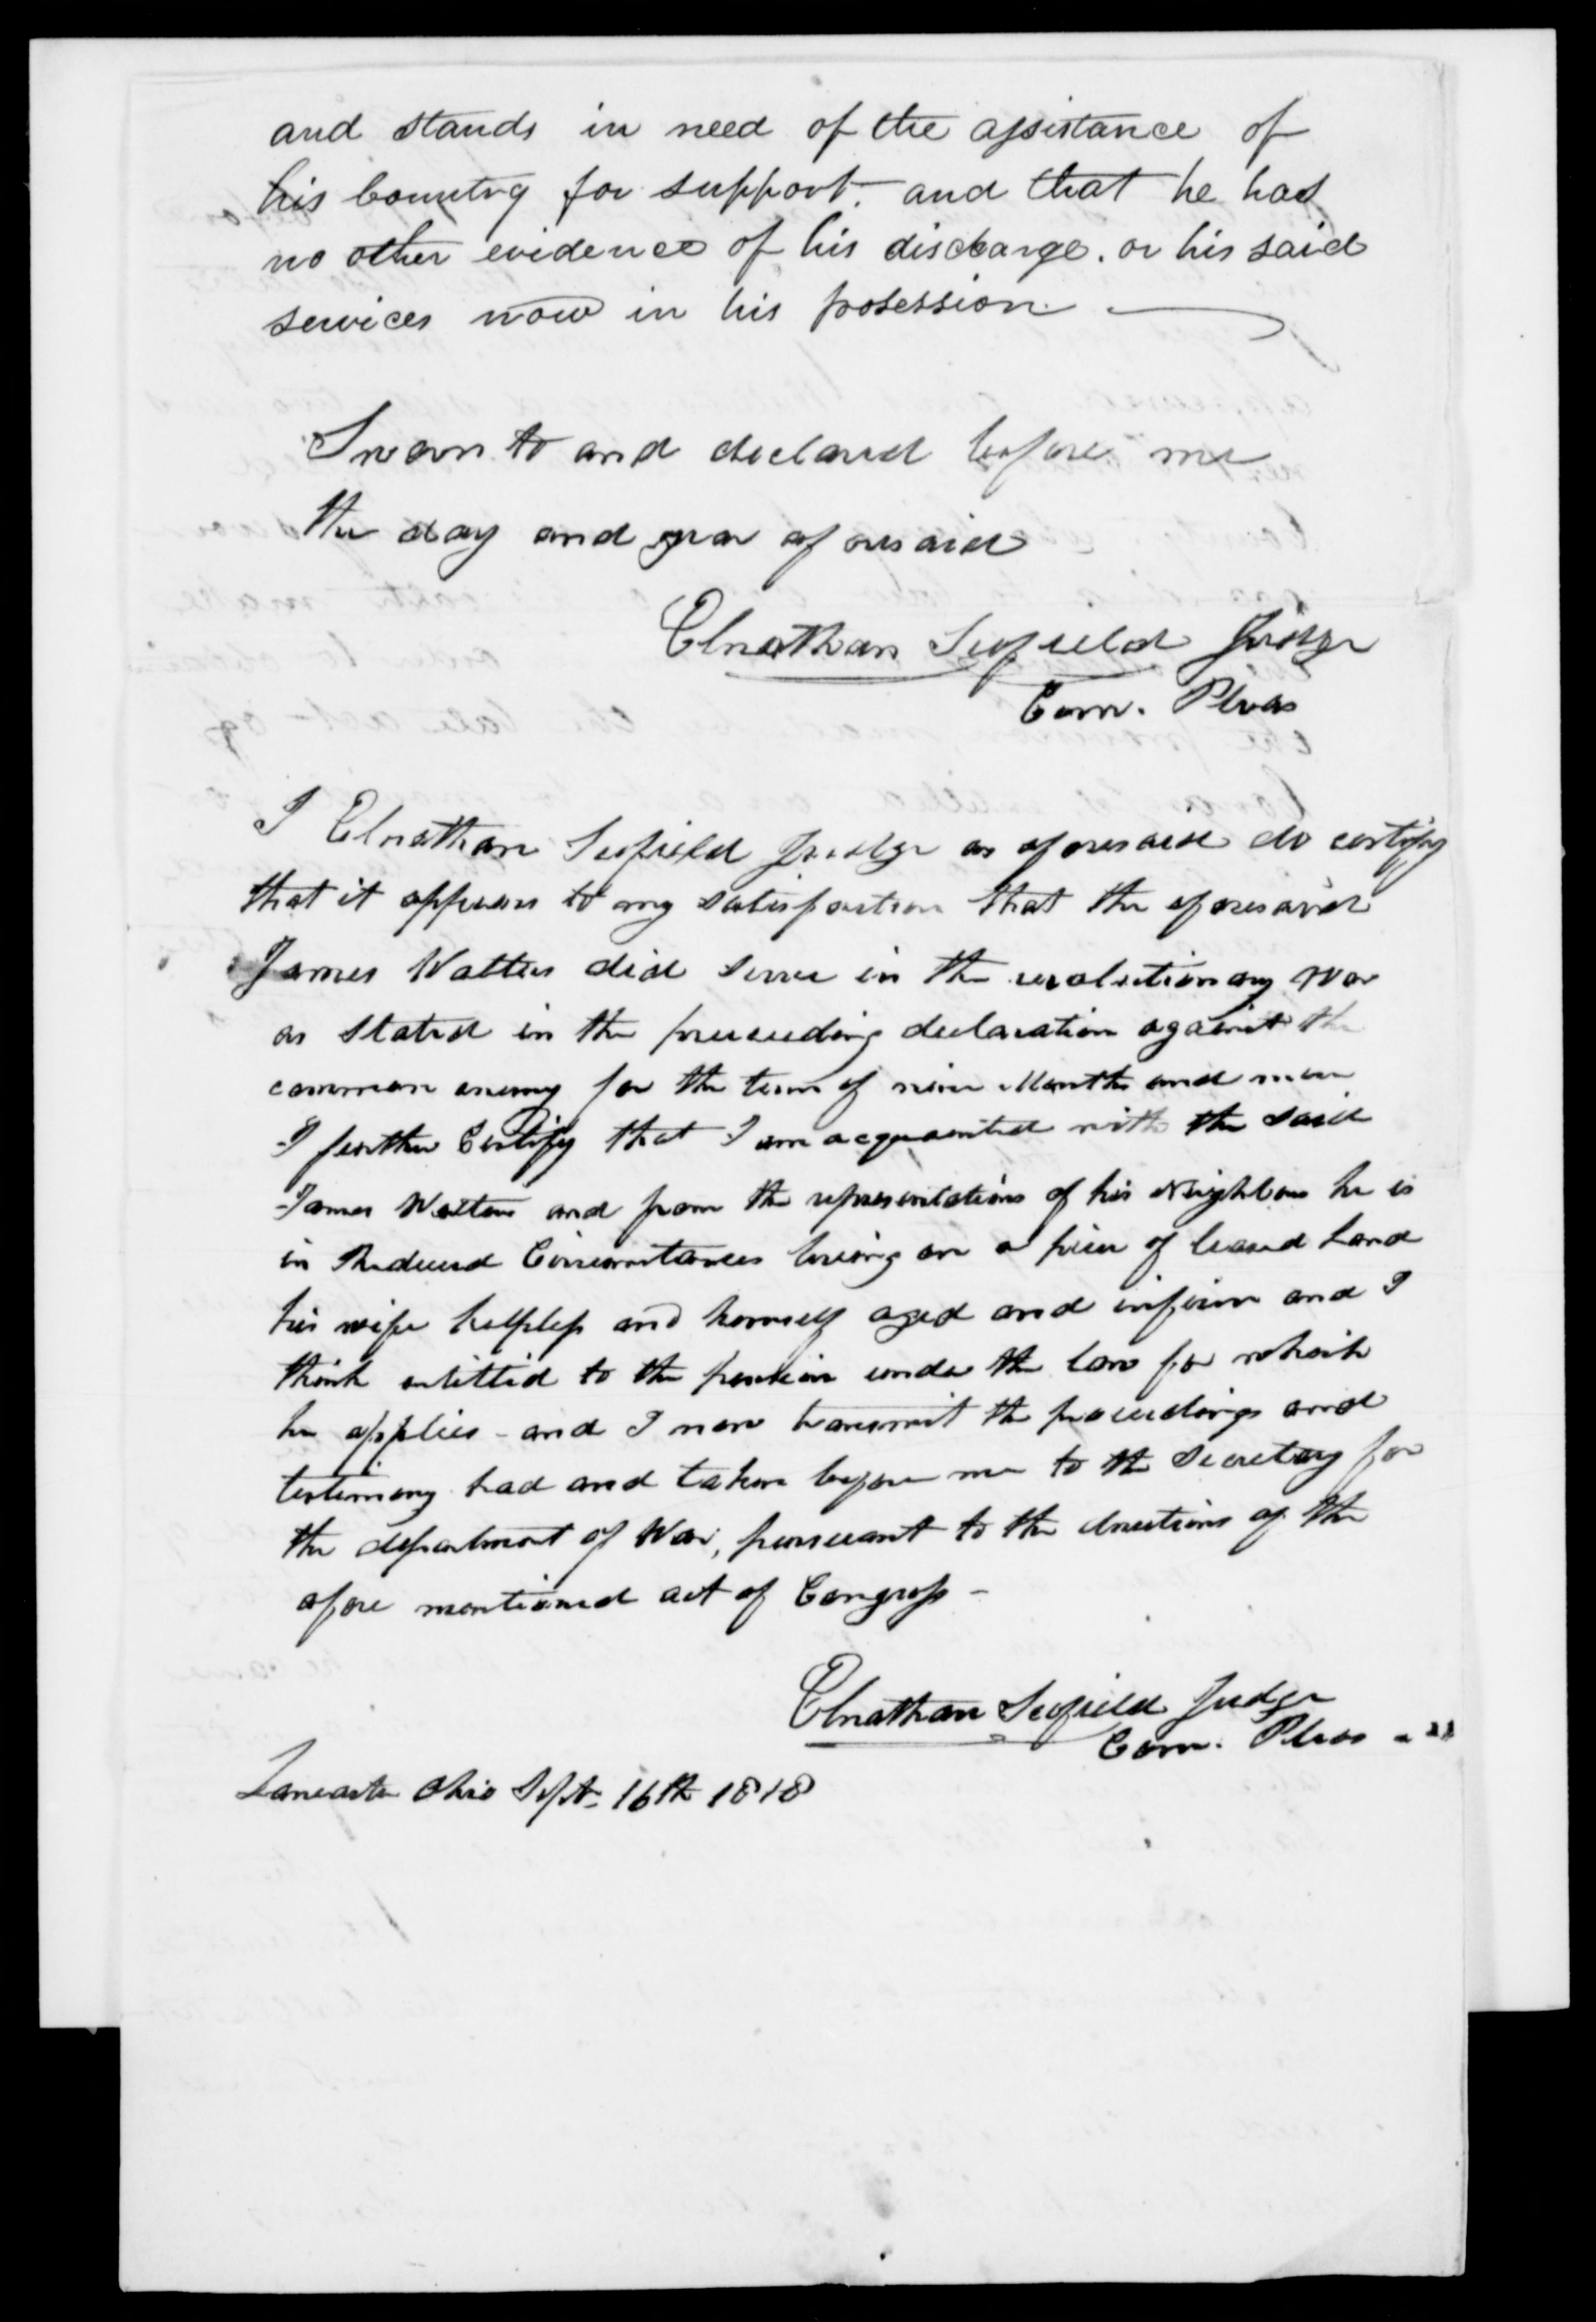and stands in need of the assistance of his country for support, and that he has no other evidence of his discharge, or his said services now in his possession -
Sworn to and declared before me the day and year aforesaid 
Elnathan Scofield Judge  Com. Pleas

I Elnathan Scofield Judge as aforesaid do certify that it appears to my satisfaction that the aforesaid James Watters did serve in the revolutionary War as stated in the preceeding declaration against the common enemy for the term of nine Months and [illegible] [??more] I further certify that I am acquainted with the said James Watters and from the representations of his Neighbor he is in Reduced Circumstances being on a piece of leased land his wife helpless and himself aged and infirm and I think entitled to the pension under the law for which
he applies - and I now transmit the proceedings and testimony had and taken before me to the Secretary for the department of War, pursuant to the directions of the afore mentioned act of Congress-
Elnathan Scofield Judge Com. Pleas-
Lancaster Ohio Sept. 16th 1818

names: James Watters, Elnathan Scofield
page: 12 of 29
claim: survivor's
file: S. 40642, James Waters, Continental (Md)